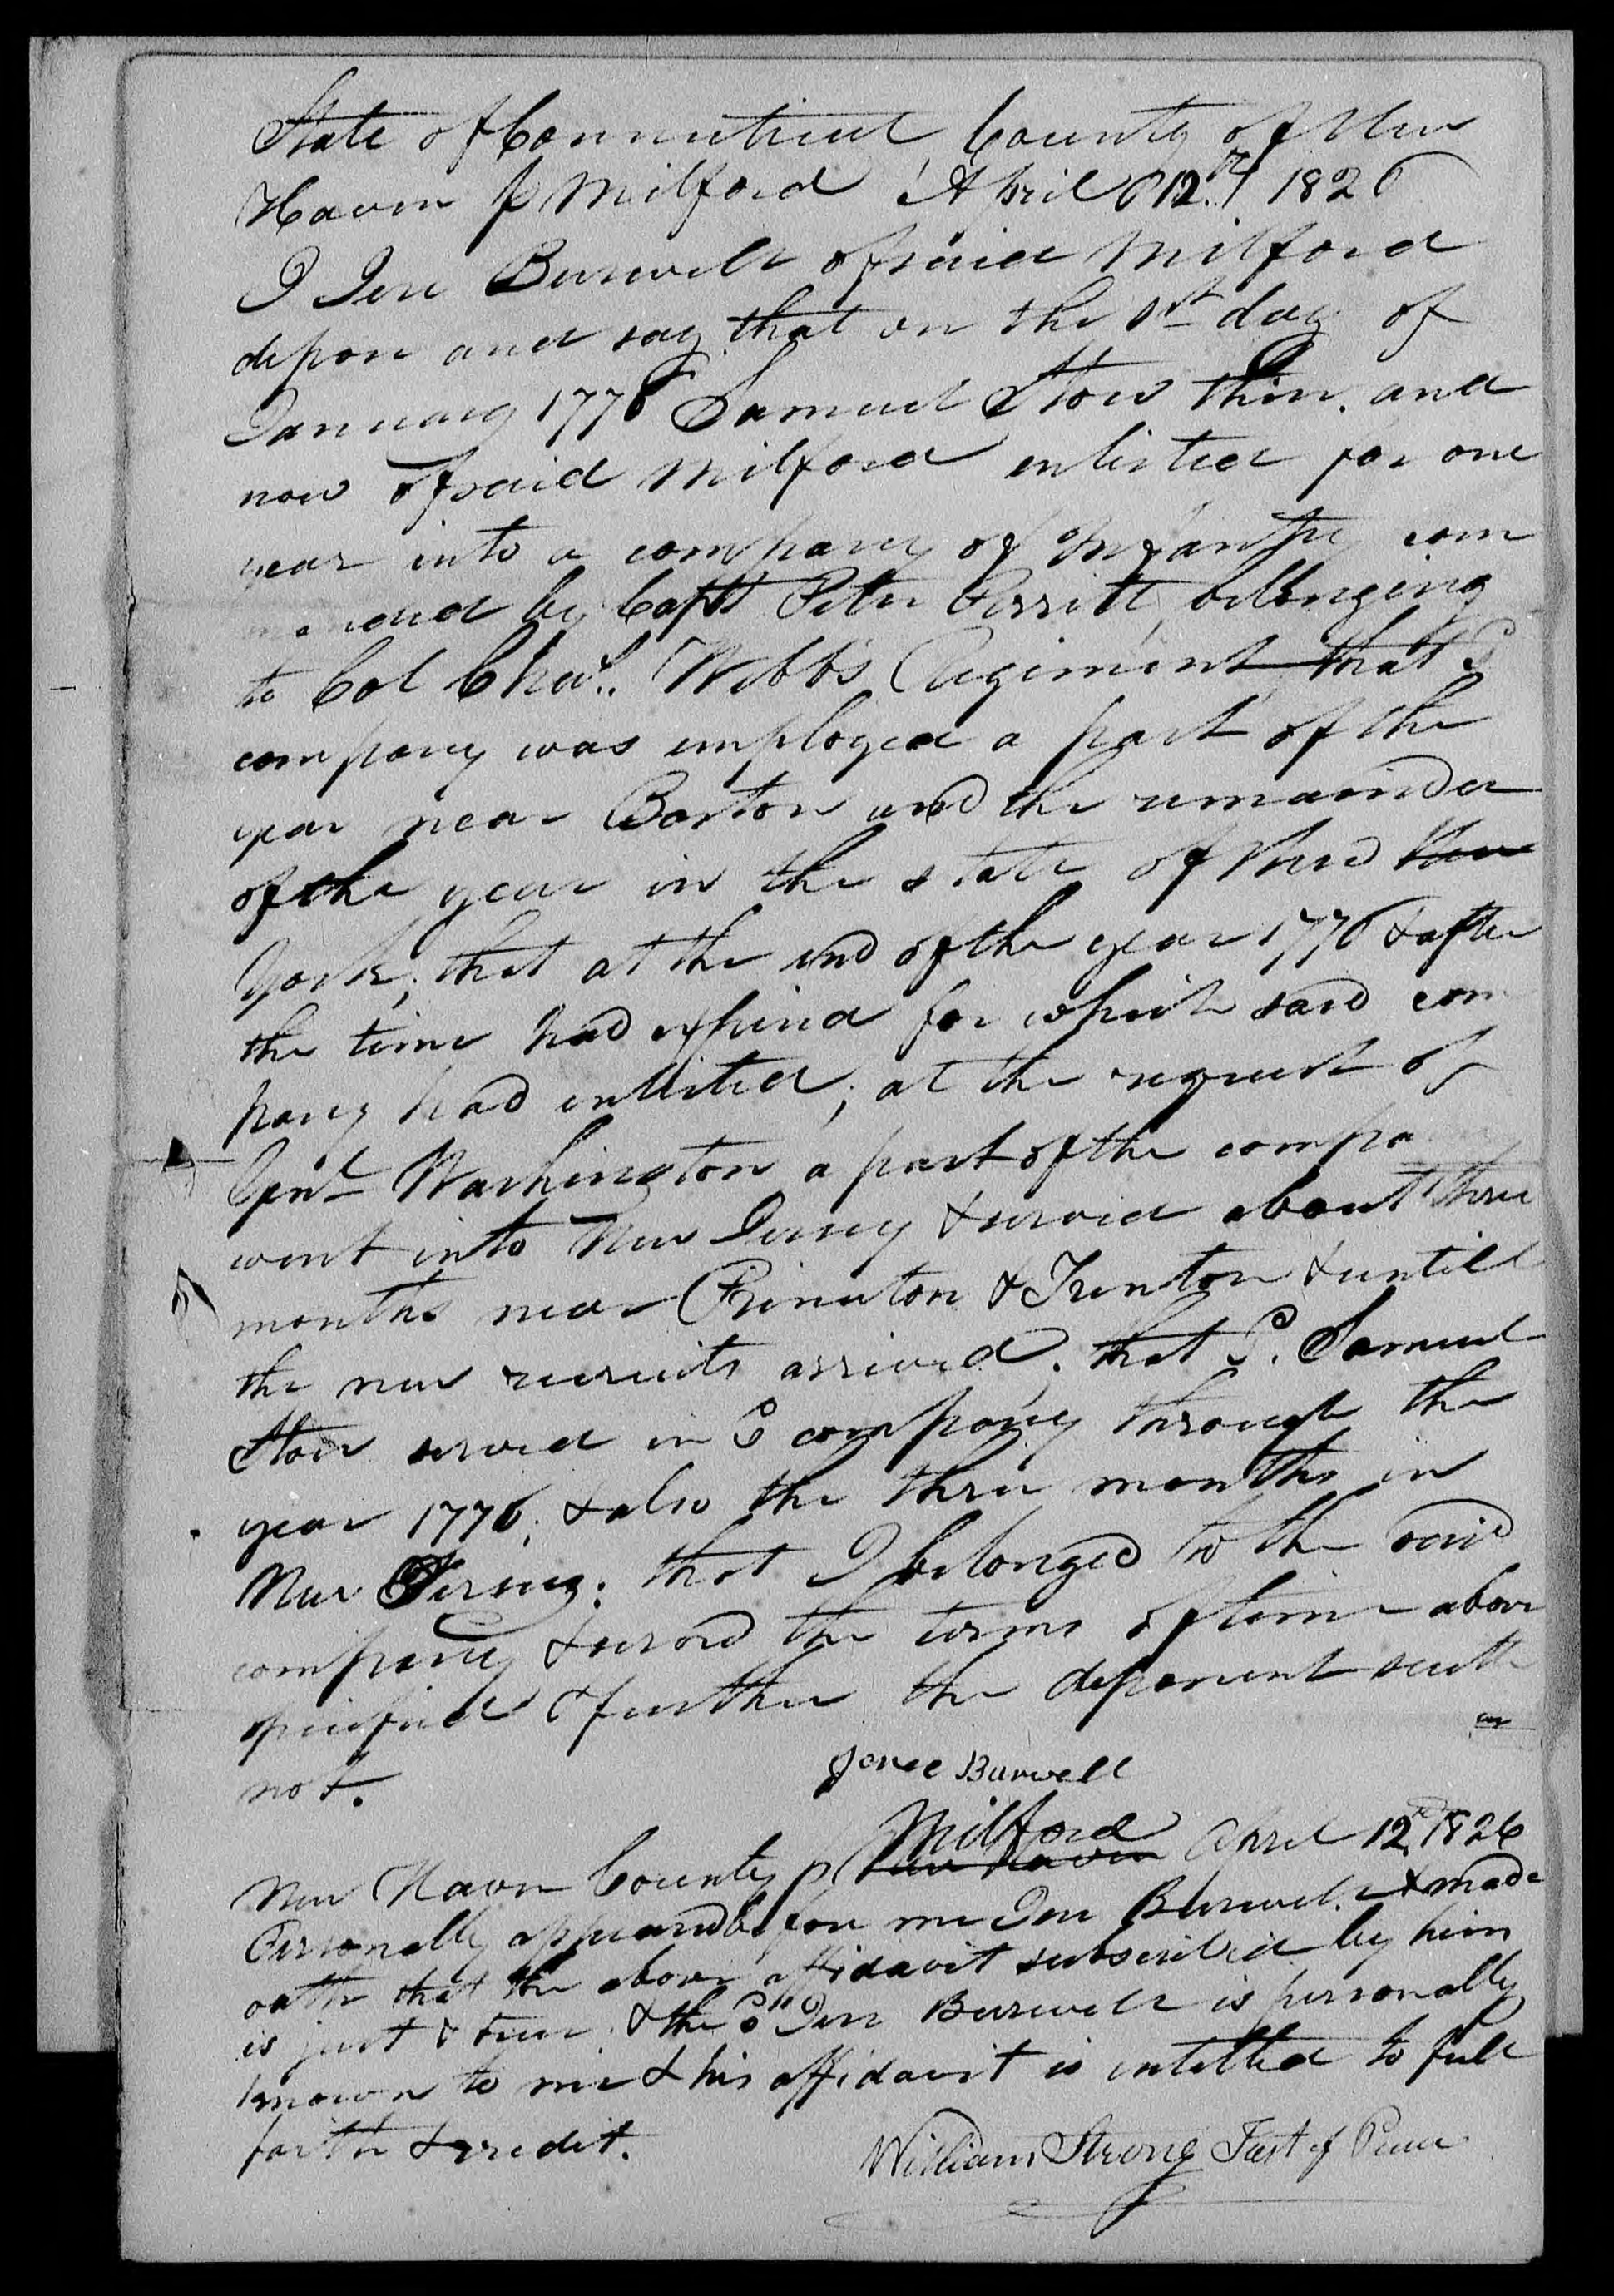State of Connecticut County of New Haven} ss: Milford April 12th 1826
I, Jon Burwell of said Milford depose and say that on the 1st day of January 1776 Samuel Stow then and now of said Milford enlisted for one year into a company of Infantry commanded by Capt Peter Perritt belonging
to Col Chas Webb's regiment; that said
company was employed a part of the
year near Boston and the remainder 
of the year in the state of New York; that at the end of the year 1776 & after the time had expired for which said company had enlisted, at the request of Genl Washington a part of the company went into New Jersey & served about three months near Princeton & Trenton & until the new recruits arrived; that said Samuel Stow served in said company through the year 1776 & also the three months in
New Jersey:  that I belonged to the said
company & served the terms of time above
specified & further the deponent saith not.
[signed] Jonee Burwell

New Haven County} ss: Milford April 12th 1826
Personally appeared before me Jon Burwell & made oath that the above affidavit subscribed by him is just & true & the said Burwell is personally known to me & his affidavit is entitled to full faith & credit.
William Strong Just of Peace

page: 40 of 42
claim: survivor's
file: S. 36,819, for Samuel Stow, Connecticut